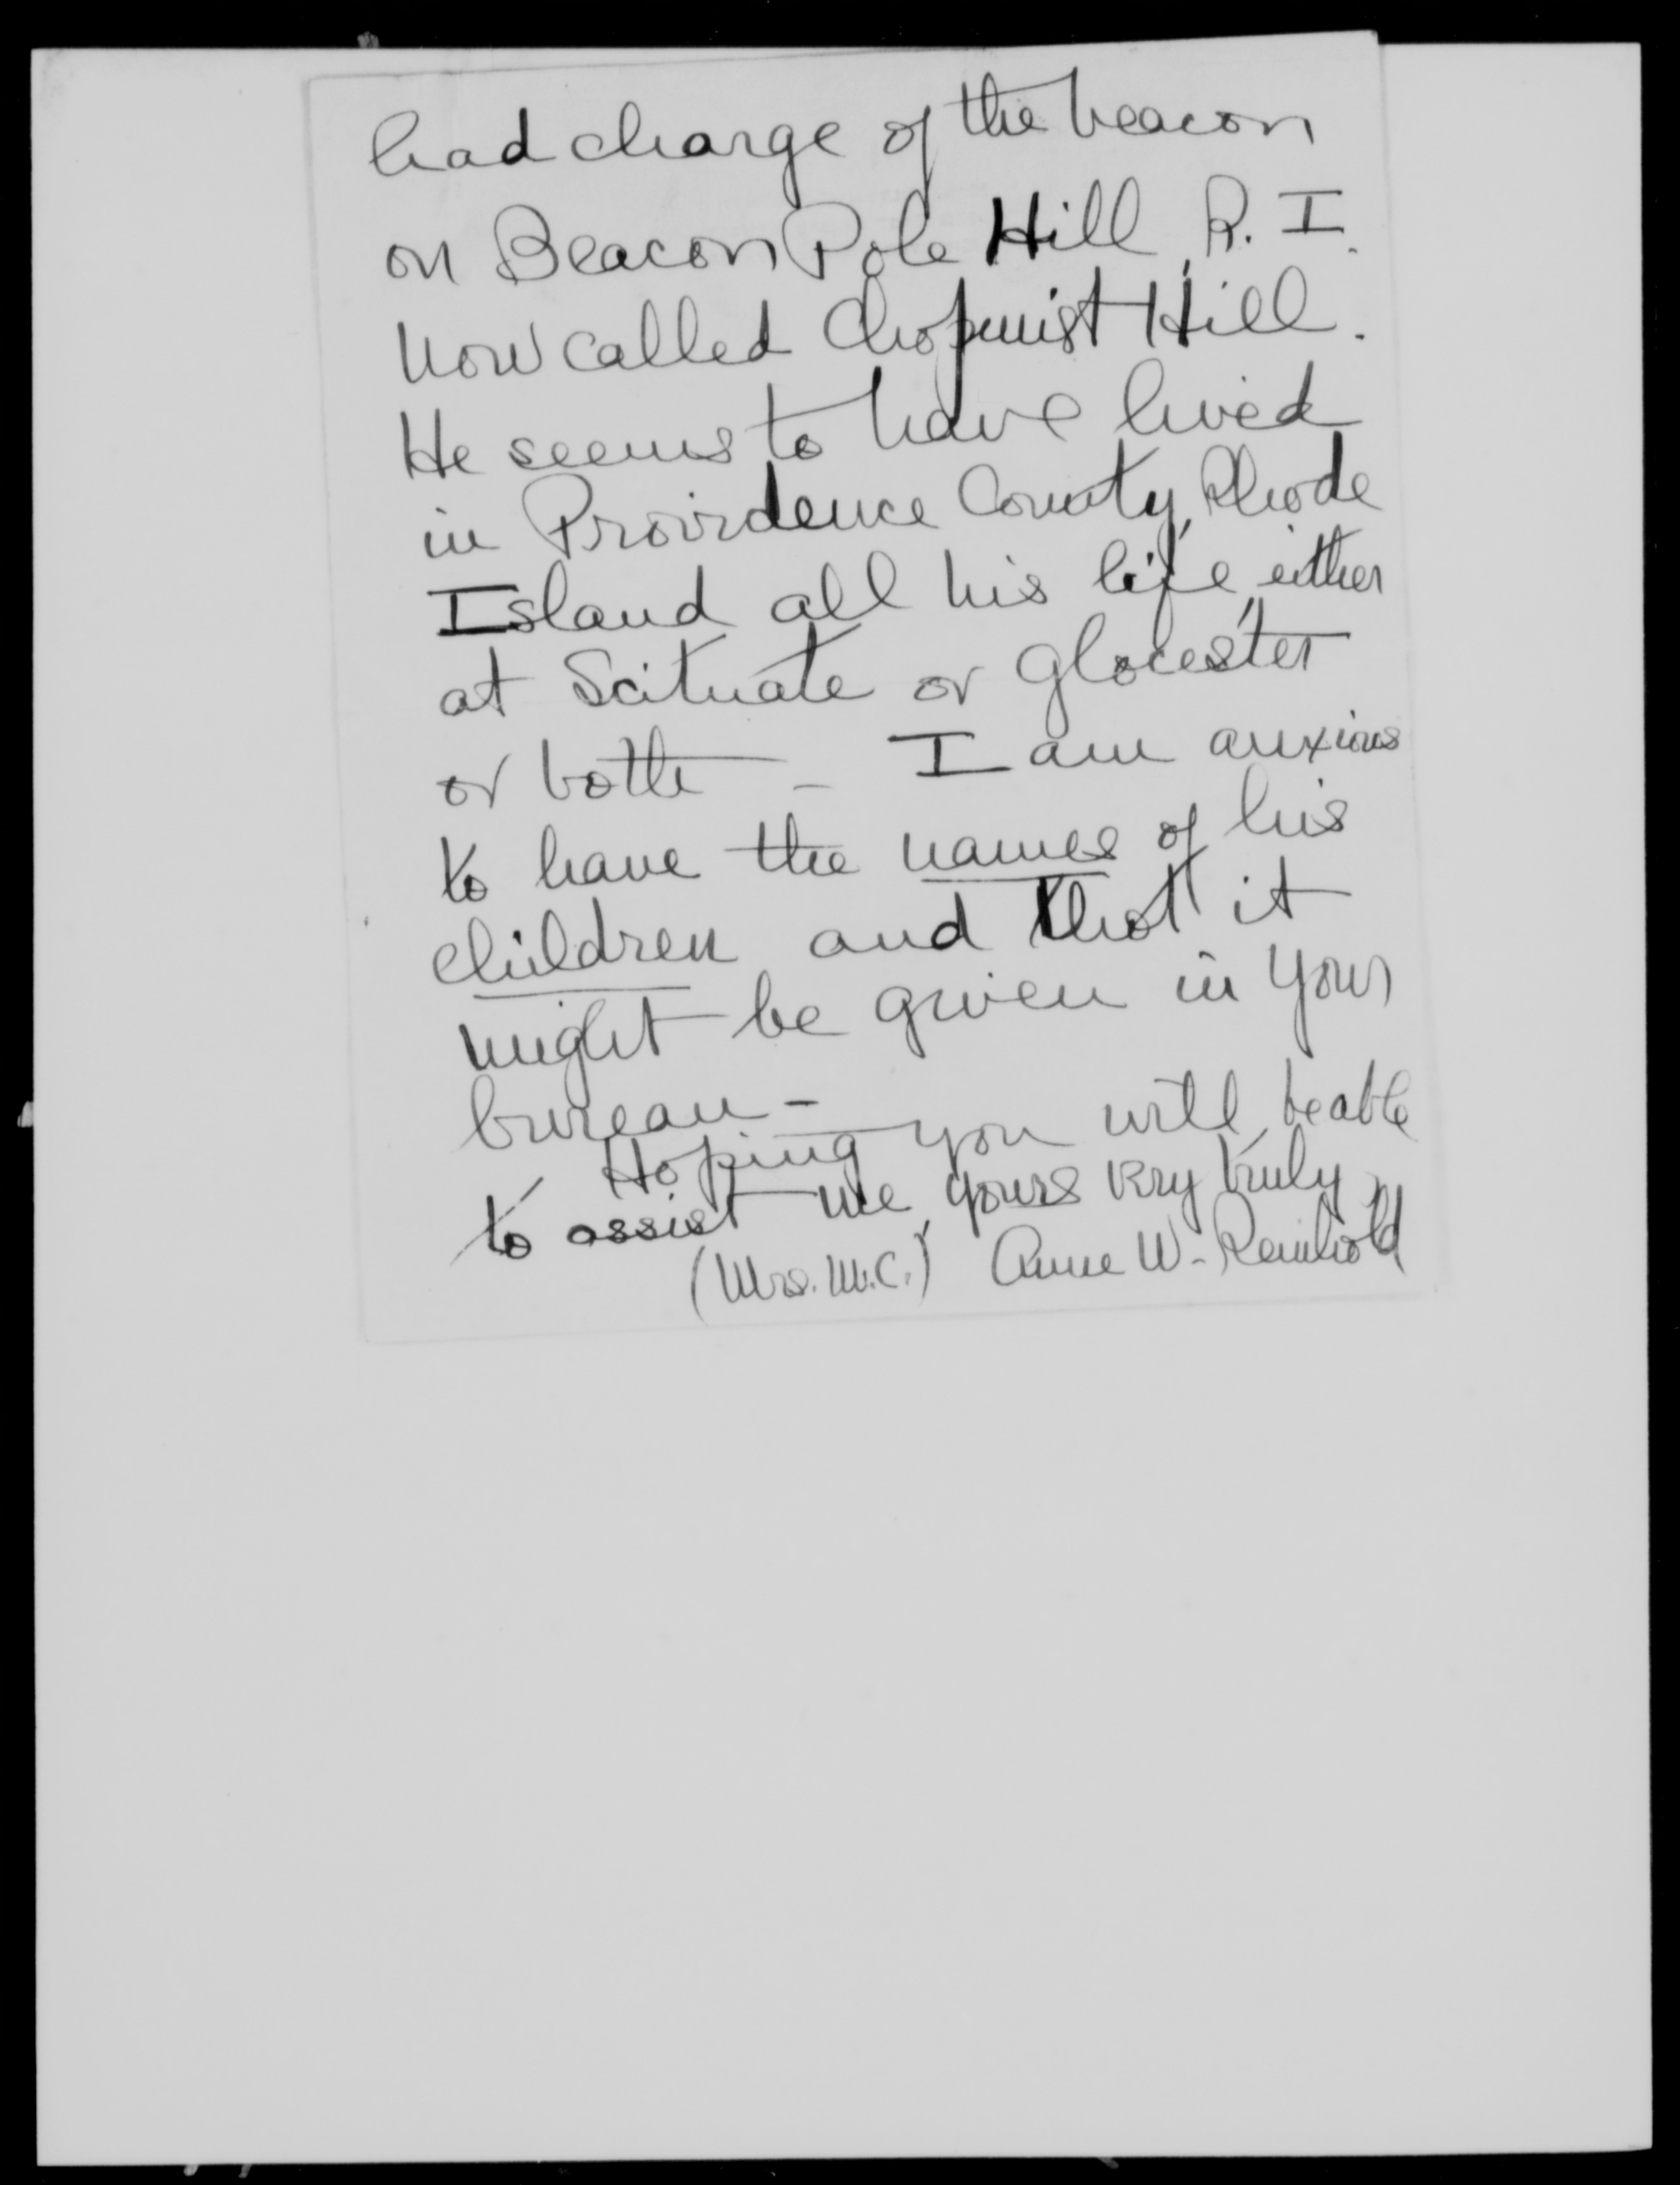had charge of the beacon
on Beacon Pole Hill R.I.
now called Chopmist Hill.

He seems to have lived in
Providence County, Rhode
Island all his life, either
at Scituate of Glocester
or both - I am anxious
to have the names of his
children and that it might be given in your bureau-
Hoping you will be able to assist me,

Yours very truly

(Mrs. M.C.) Anne W. Reinhold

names: Anne W Reinhold, M C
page: 16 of 23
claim: survivor's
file: S. 21576, Squire Williams, R. I.